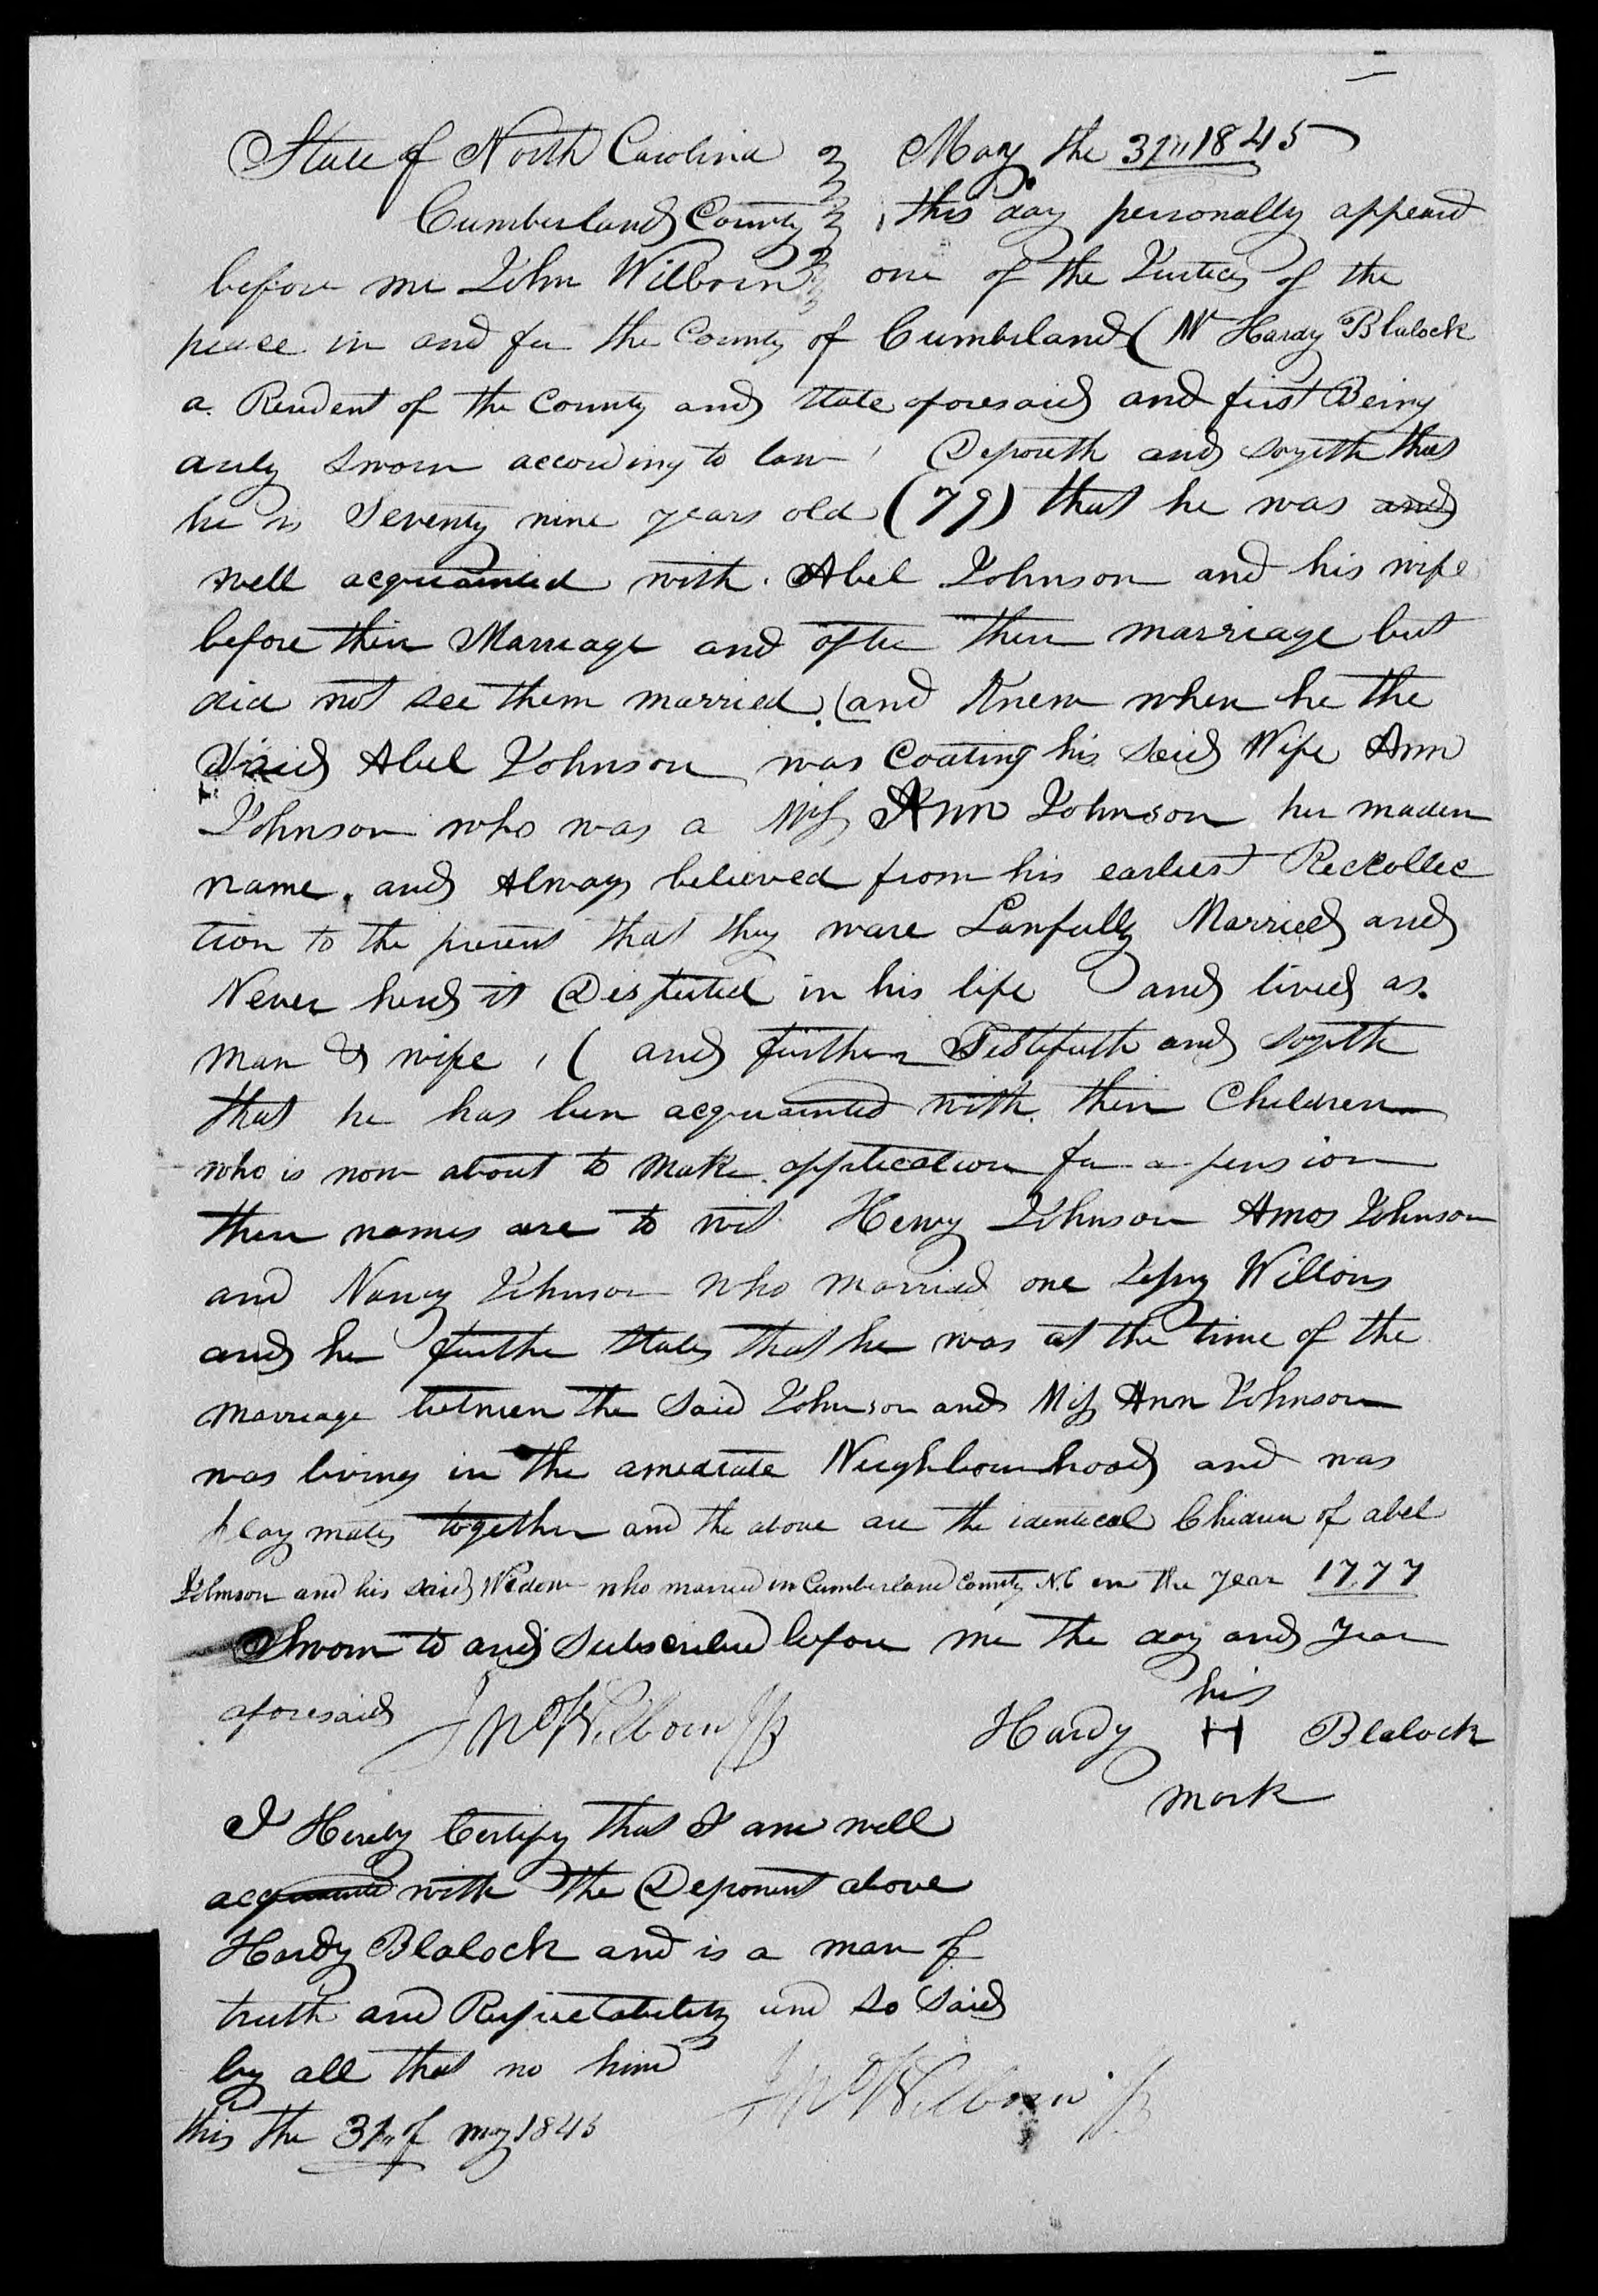State of North Carolina Cumberland County May 31st 1845    
this day personally appeared before me John Wilborn, one of the Justices of the Peace in and for the County of Cumberland W. Hardy Blalock a resident of the County and State aforesaid and first being duly sworn according to law deposeth and sayeth that he is seventy nine years old (79) that he was well-acquainted with Abel Johnson and his wife before the marriage and after their marriage but did not see them married    and knew when he the said Abel Johnson was coating [courting] his said wife Ann Johnson who was a Miss Ann Johnson her maiden name    and always believed from his earliest recollection to the present that they were lawfully married and never heard it disputed in his life    and lived as man and wife   (and further deposeth and sayeth that he has been acquainted with their children who is now about make application for a pension). Their names are to wit: Henry Johnson, Amos Johnson, and Nancy Johnson who married one Jessey Wellons and he further states that he was at the time of the marriage between the said Johnson and Miss Ann Johnson was being in the immediate neighborhood and was playmates together    and the above are the identical children of Abel and his wife who married in Cumberland County, North Carolina, in 1777.  W. Hardy Blalock his mark    Sworn to and subscribed before me the day and year aforesaid.  Jno Wilborn  JP      I hereby certify that I am well acquainted with the Deponent above Hardy Blalock and is a man of truth and respectability and so said by all that no [know] him this 31st of May 1845.   Jno Wilborn  JP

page: 60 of 74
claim: rejected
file: R. 5600, for Abel Johnson, North Carolina